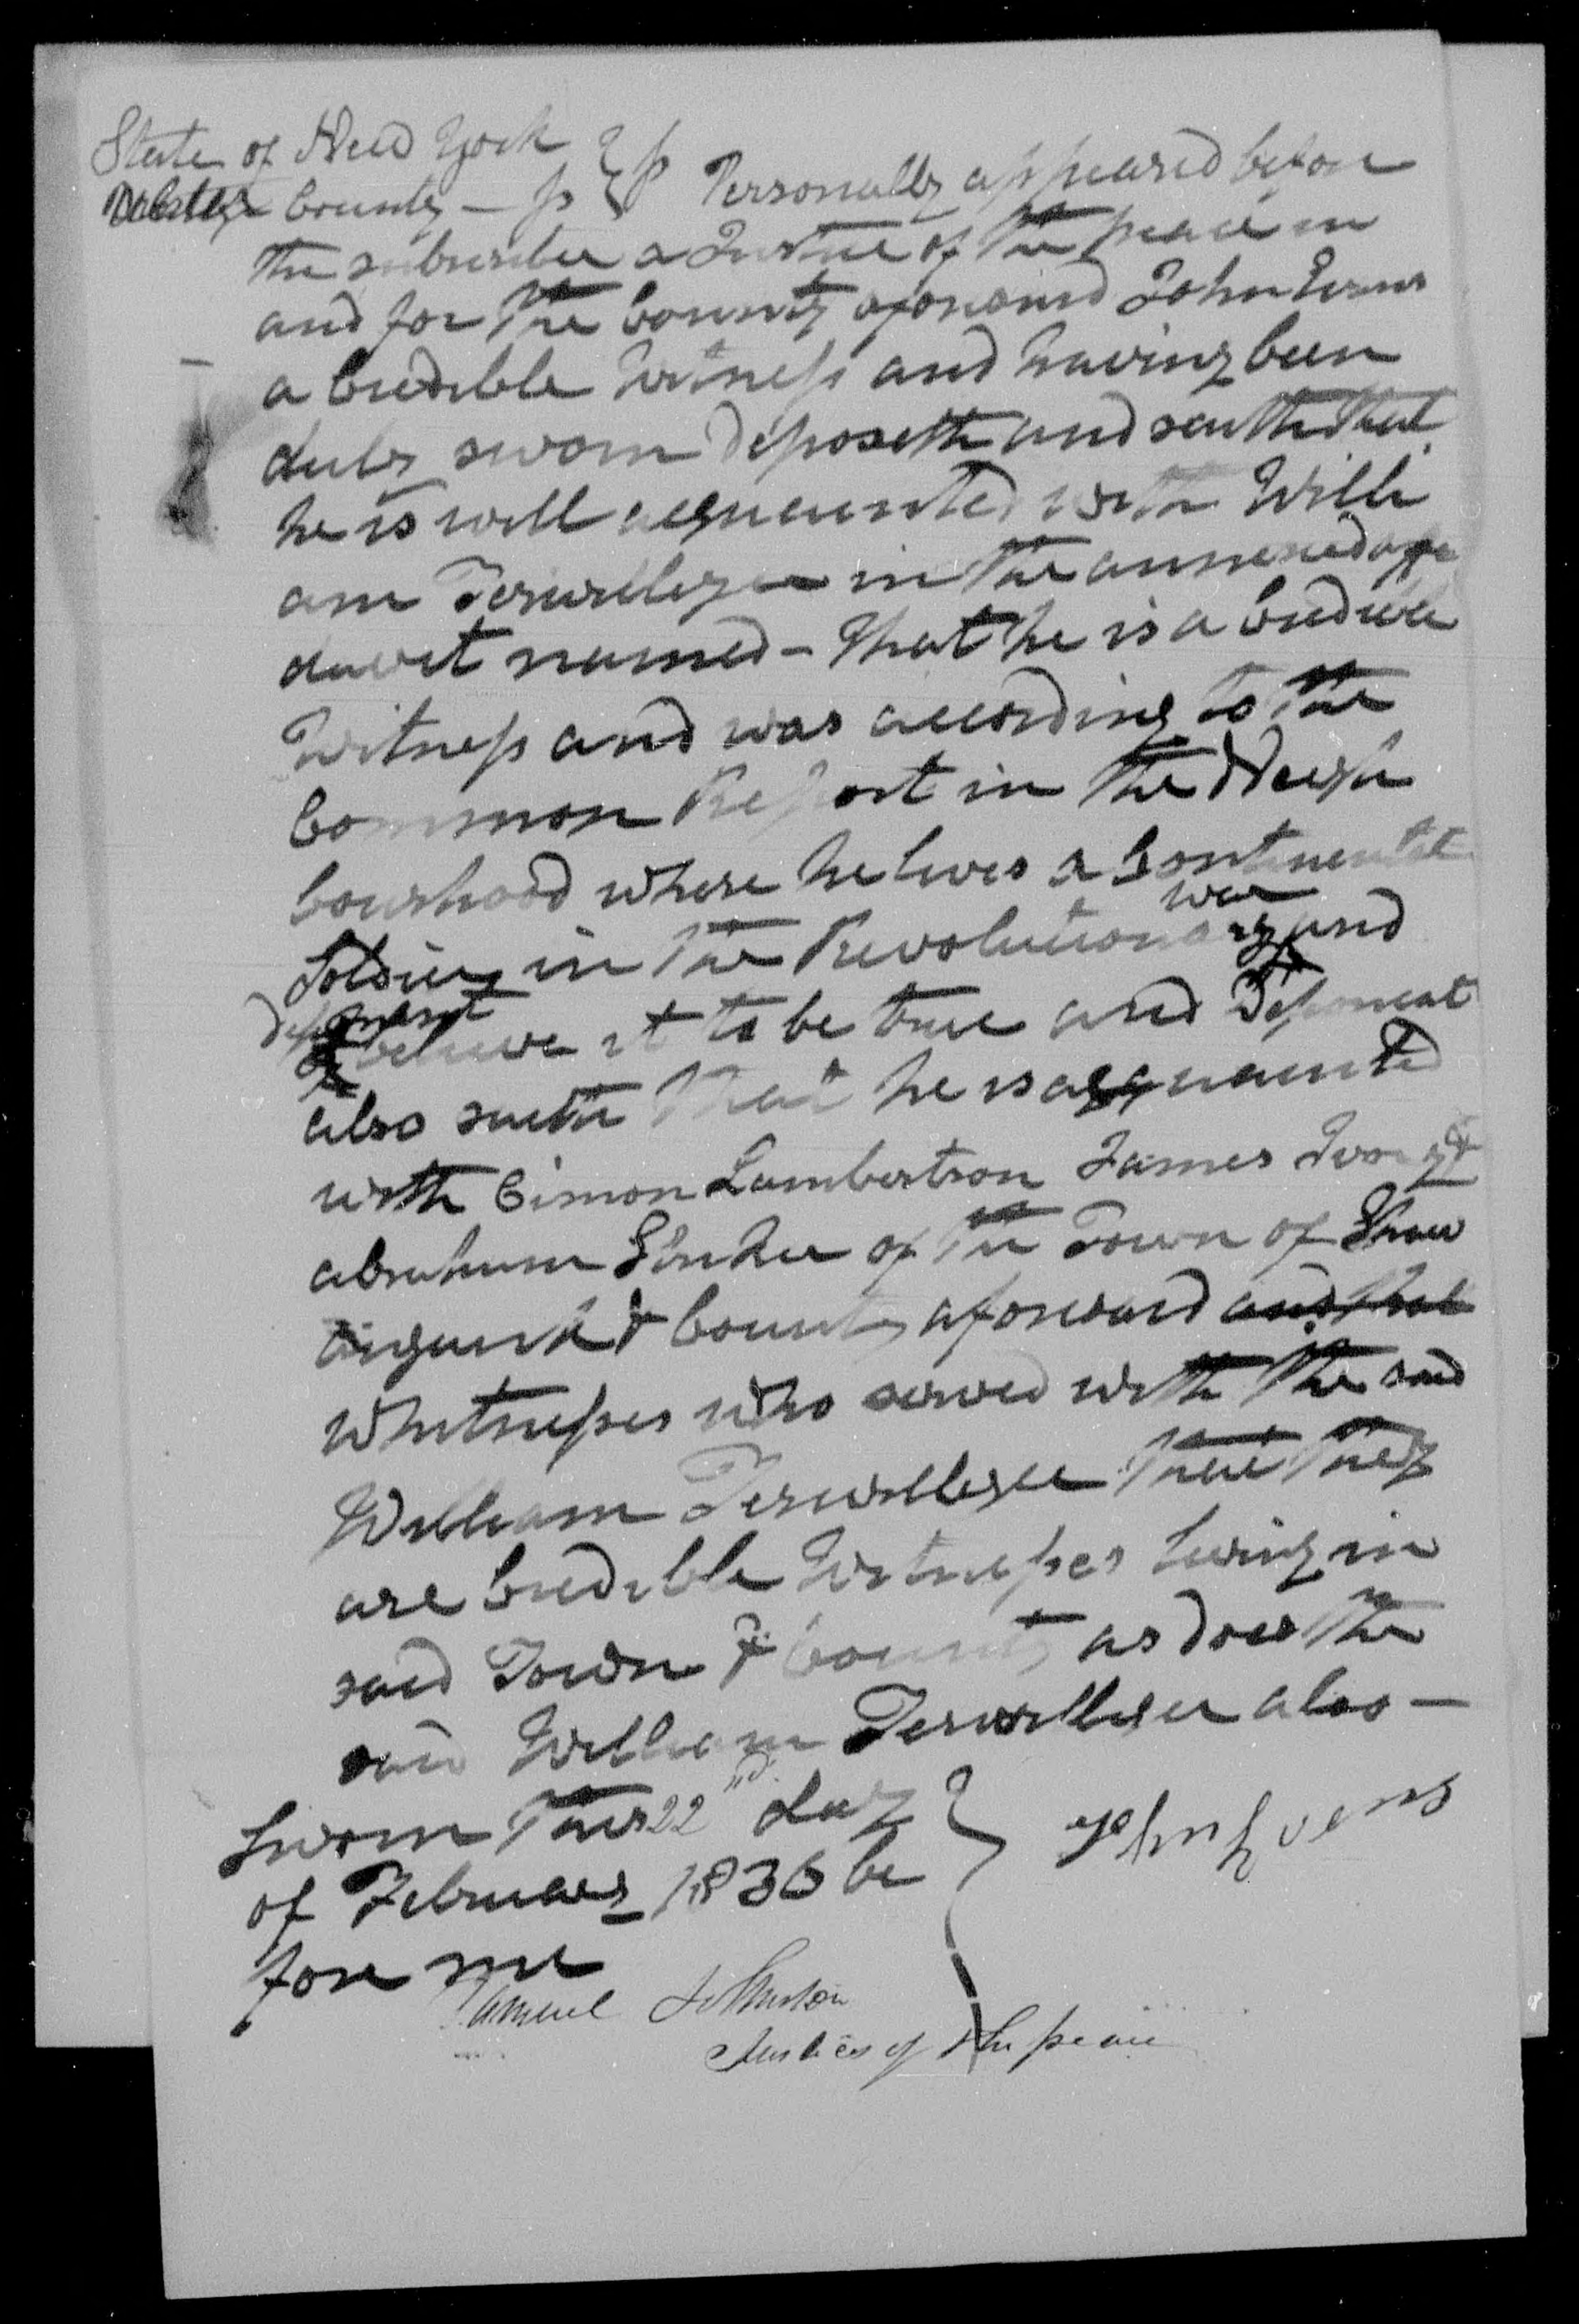State of New York
Ulster County⎬ Personally appeared before
the subscriber a Justice of the peace in
and for the County aforesaid John Evans
a credible witness and having been
duly sworn deposeth and saith that
he is well acquainted with William Terwilliger in the annexed affidavit named- That he is a credible Witness and was according to the
Common report in the Neighbourhood where he lives a continental soldier in the Revolutionary war and deponent believe to be true and deponent saith that he is acquainted with
Simon Lumberton James Ivory &
Abraham Linker of the Town of Shawangunk & County aforesaid and
Witnesses who served with the said
William Terwilliger that they
are credible witnesses living in
said Town & county as does the said
William Terwilliger also-
Sworn this 22 day
of February 1836 before me
Samuel Johnson
Justices of the peace

John Evans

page: 51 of 64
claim: survivor's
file: S. 42,464, for William Terwilliger, New York